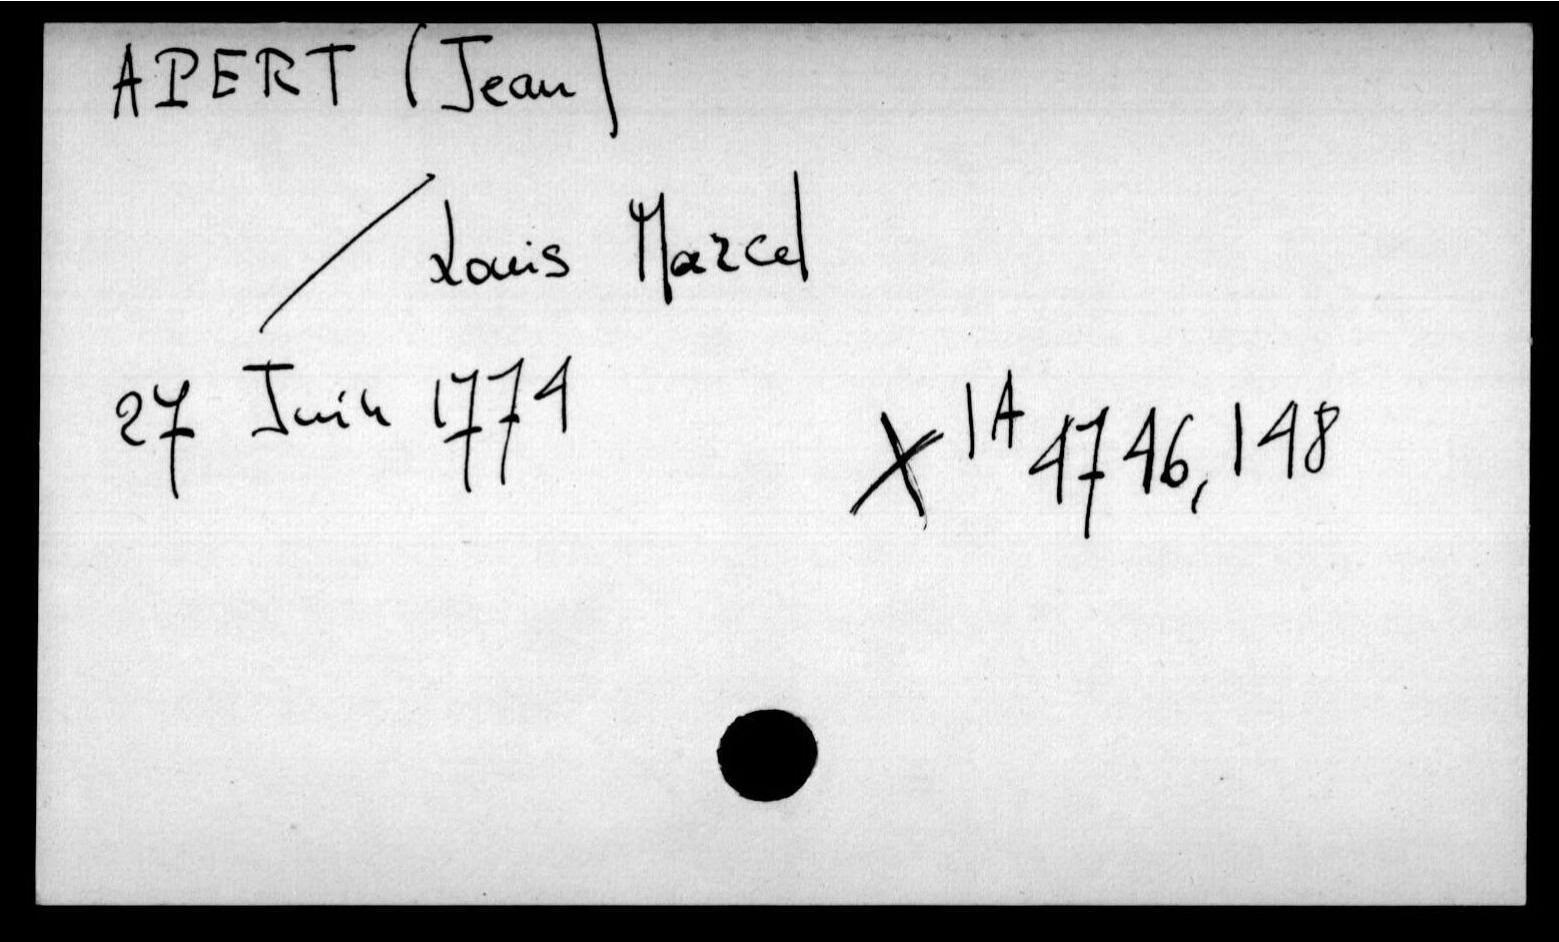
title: APERT (Jean)
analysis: Contre Louis Marcel
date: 27 juin 1774
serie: X1A
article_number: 4746
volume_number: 148
